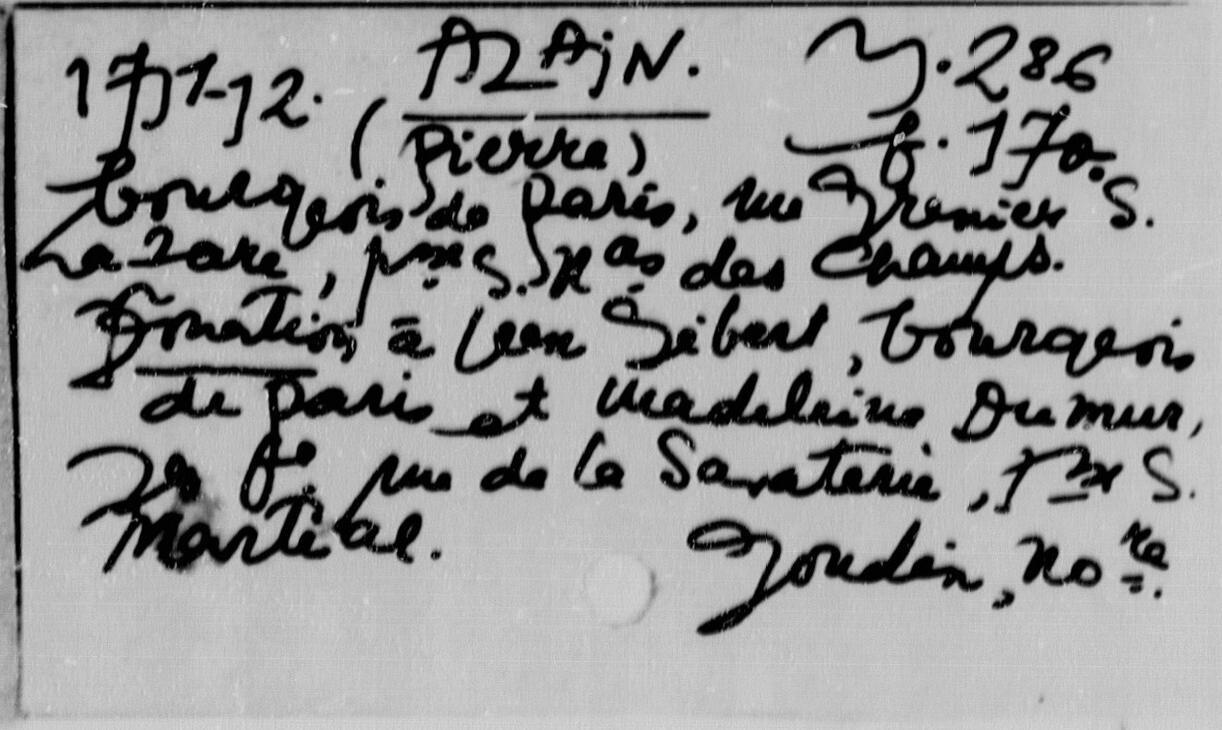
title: ALAIN (Pierre)
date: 1711-1712
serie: Y
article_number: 286
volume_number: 170
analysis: Bourgeois de Paris, rue Grenier-Saint-Lazare, paroisse Saint-Nicolas-des-Champs. Donation à Jean GIBERT, bourgeois de Paris, et Madeleine DUMUR, sa femme, rue de la Savaterie, paroisse Saint-Martial. Goudin, notaire.
